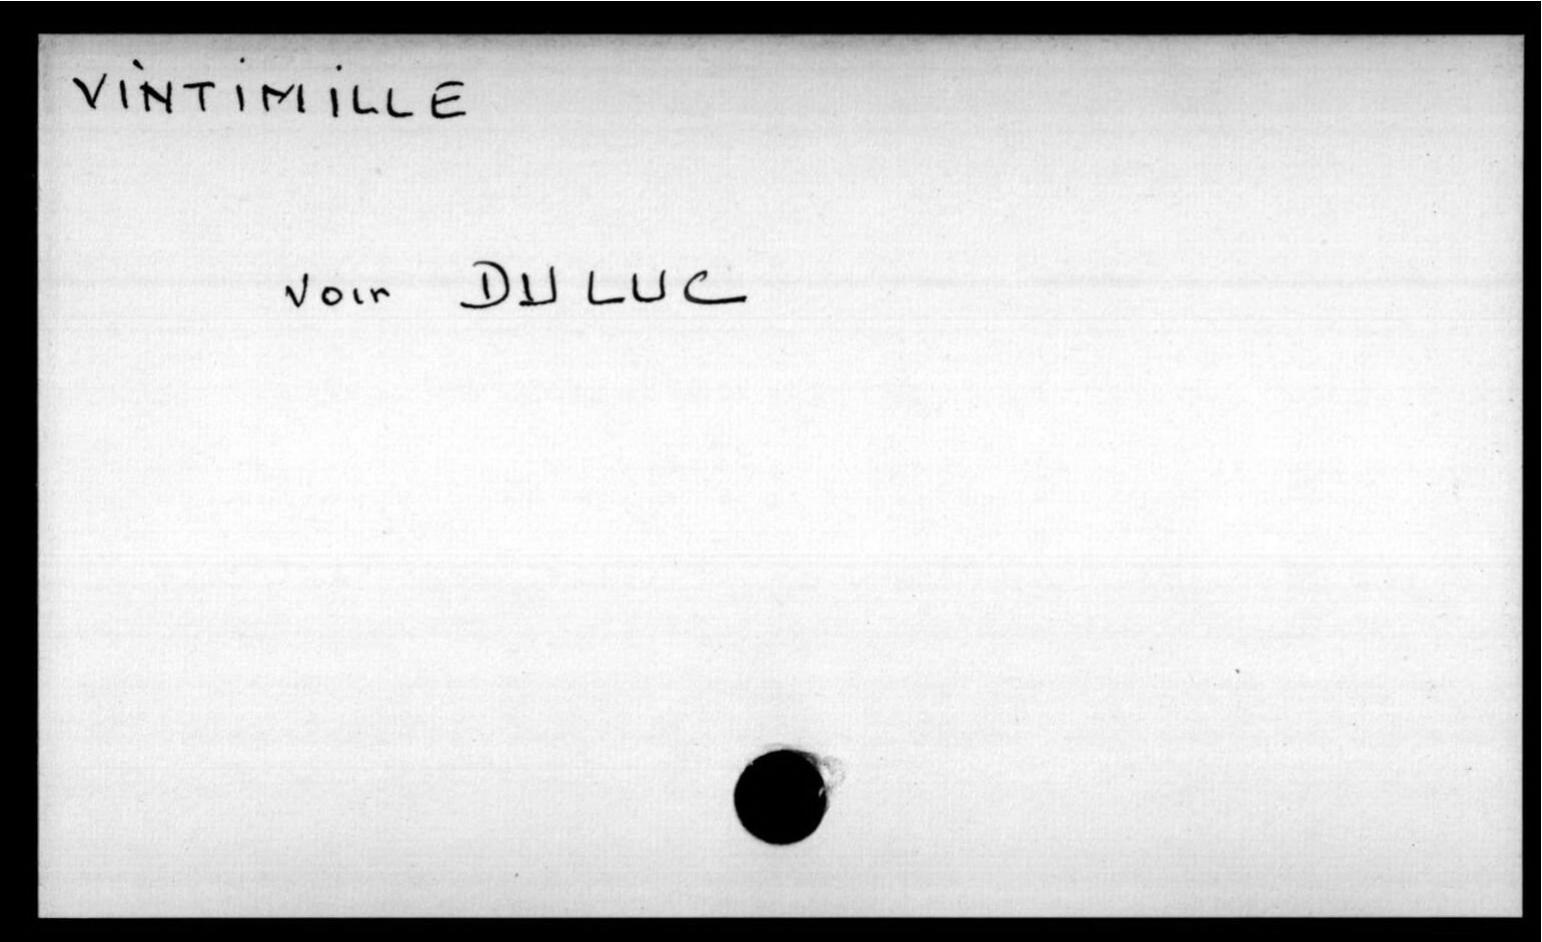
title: VINTIMILLE
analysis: Voir DULUC
